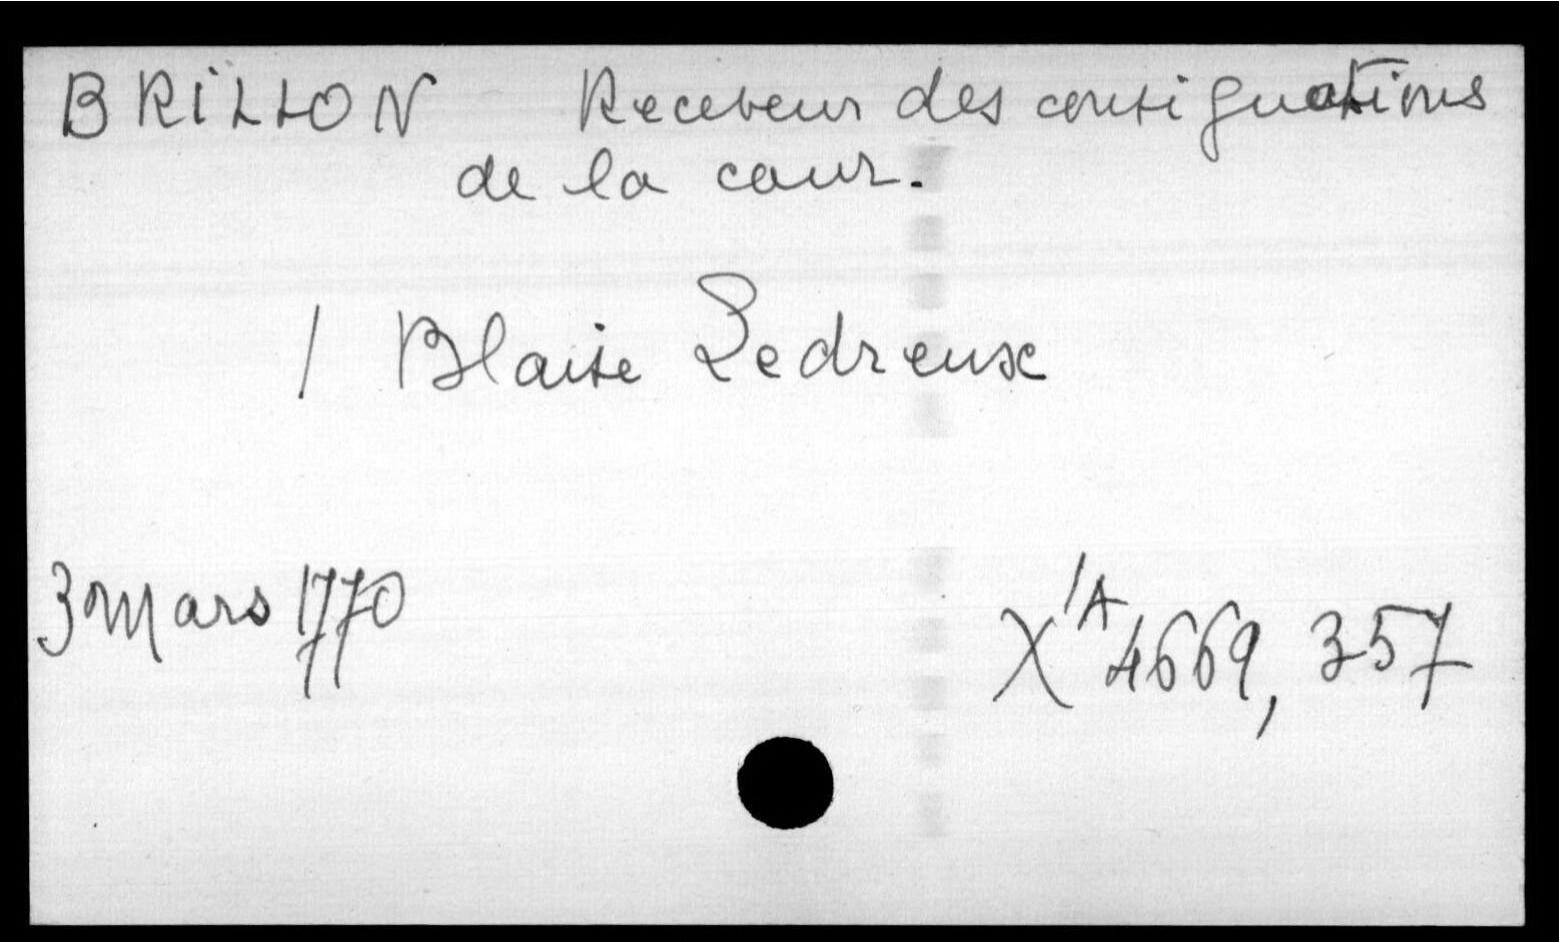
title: BRILLON receveur des consignations de la Cour.
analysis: Contre Blaise Ledreux
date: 3 mars 1770
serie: X1A
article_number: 4669
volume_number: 357
